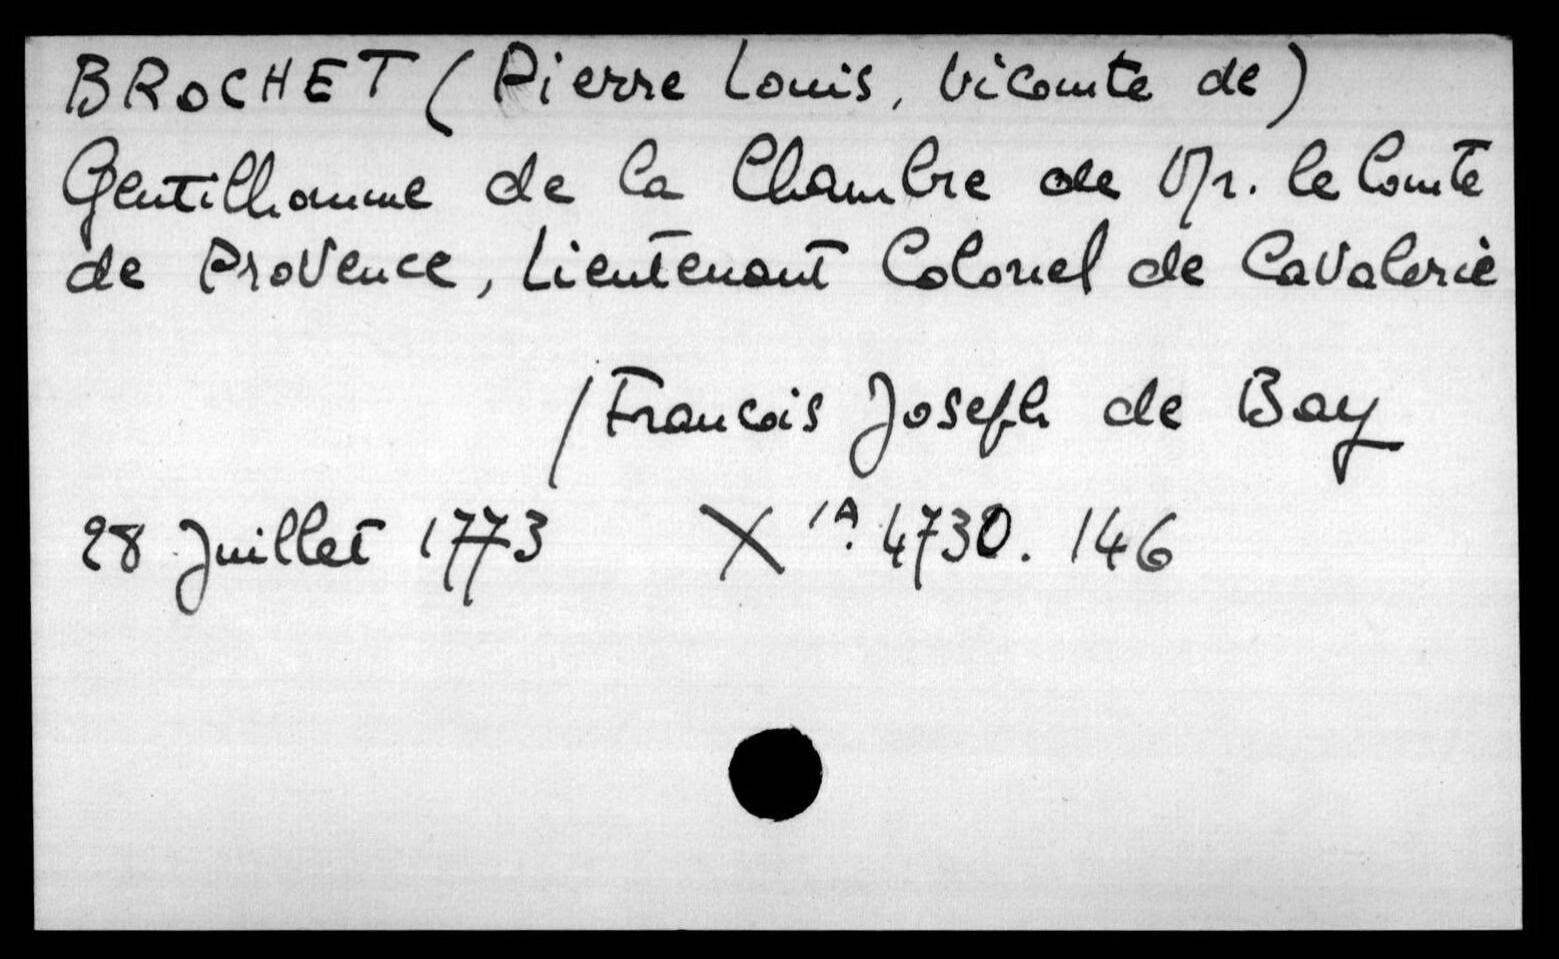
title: BROCHET (Pierre Louis, Vicomte de) Gentilhomme de la Chambre de Monseigneur le comte de Provence, Lieutenant colonel de Cavalerie
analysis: Contre François Joseph de Bay
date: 28 juillet 1773
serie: X1A
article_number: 4730
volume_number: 146
